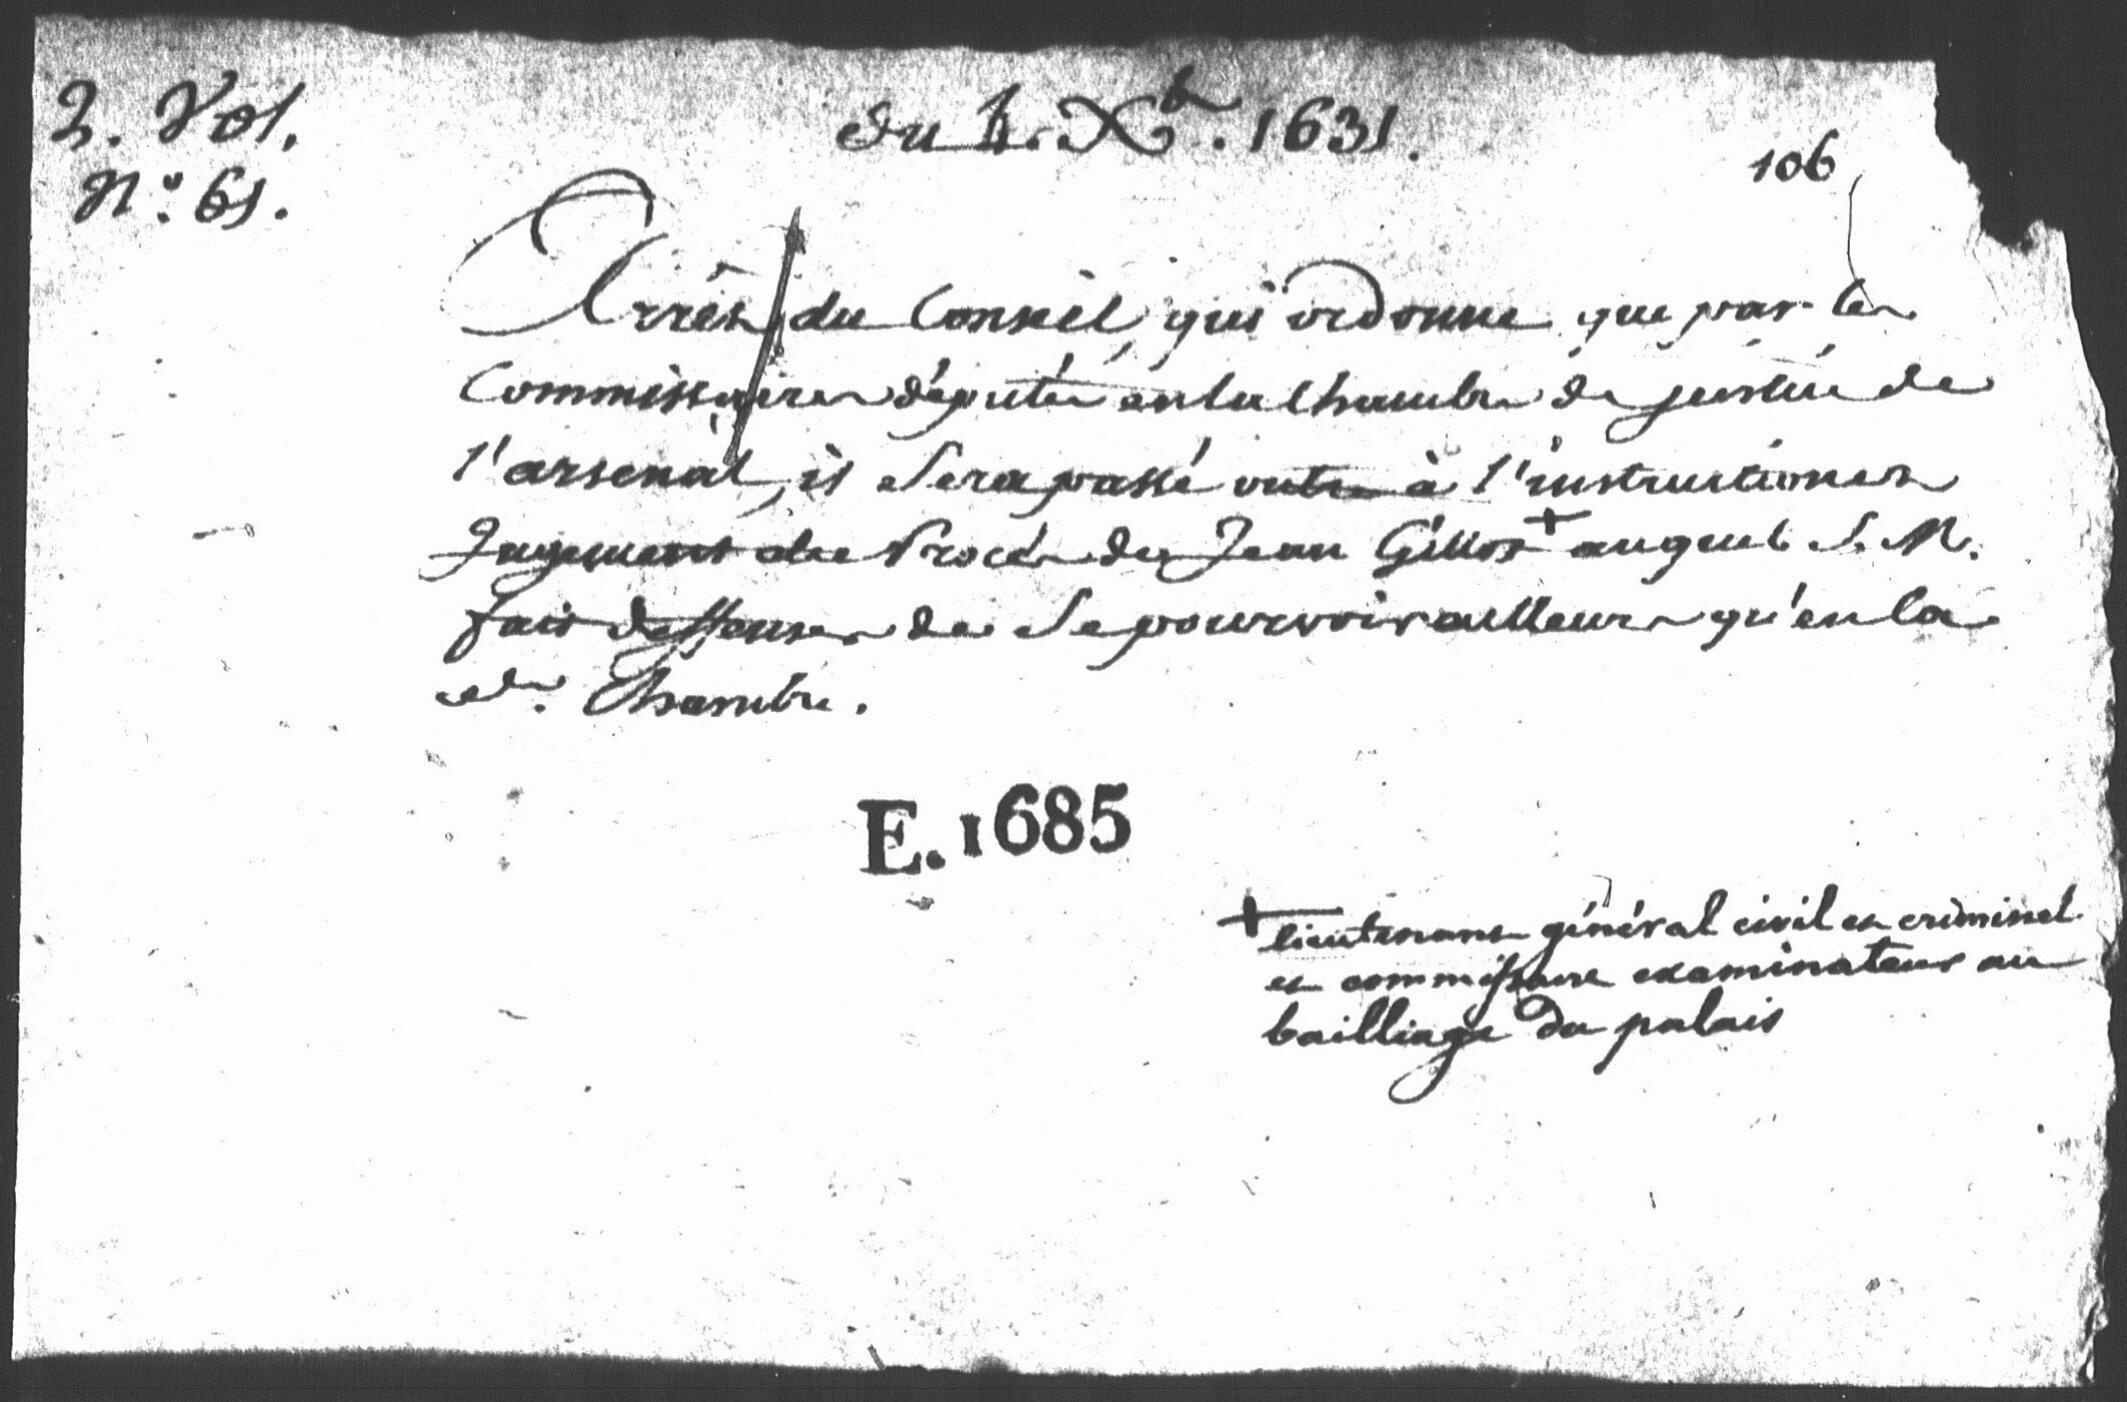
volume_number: n°61
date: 4 décembre 1631
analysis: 106
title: Arrêt du Conseil qui ordonne que par les commissaires députés en la chambre de justice de l'arsenal, il sera passé outre à l'instruction et jugement du procès de Jean Gillot, lieutenant général civil et criminel et commissaire examinateur au bailliage du palais auquel S M. fait deffenses de se pourvoir ailleurs qu'en la d.e chambre.
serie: E
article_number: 1685
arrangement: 2. vol.
